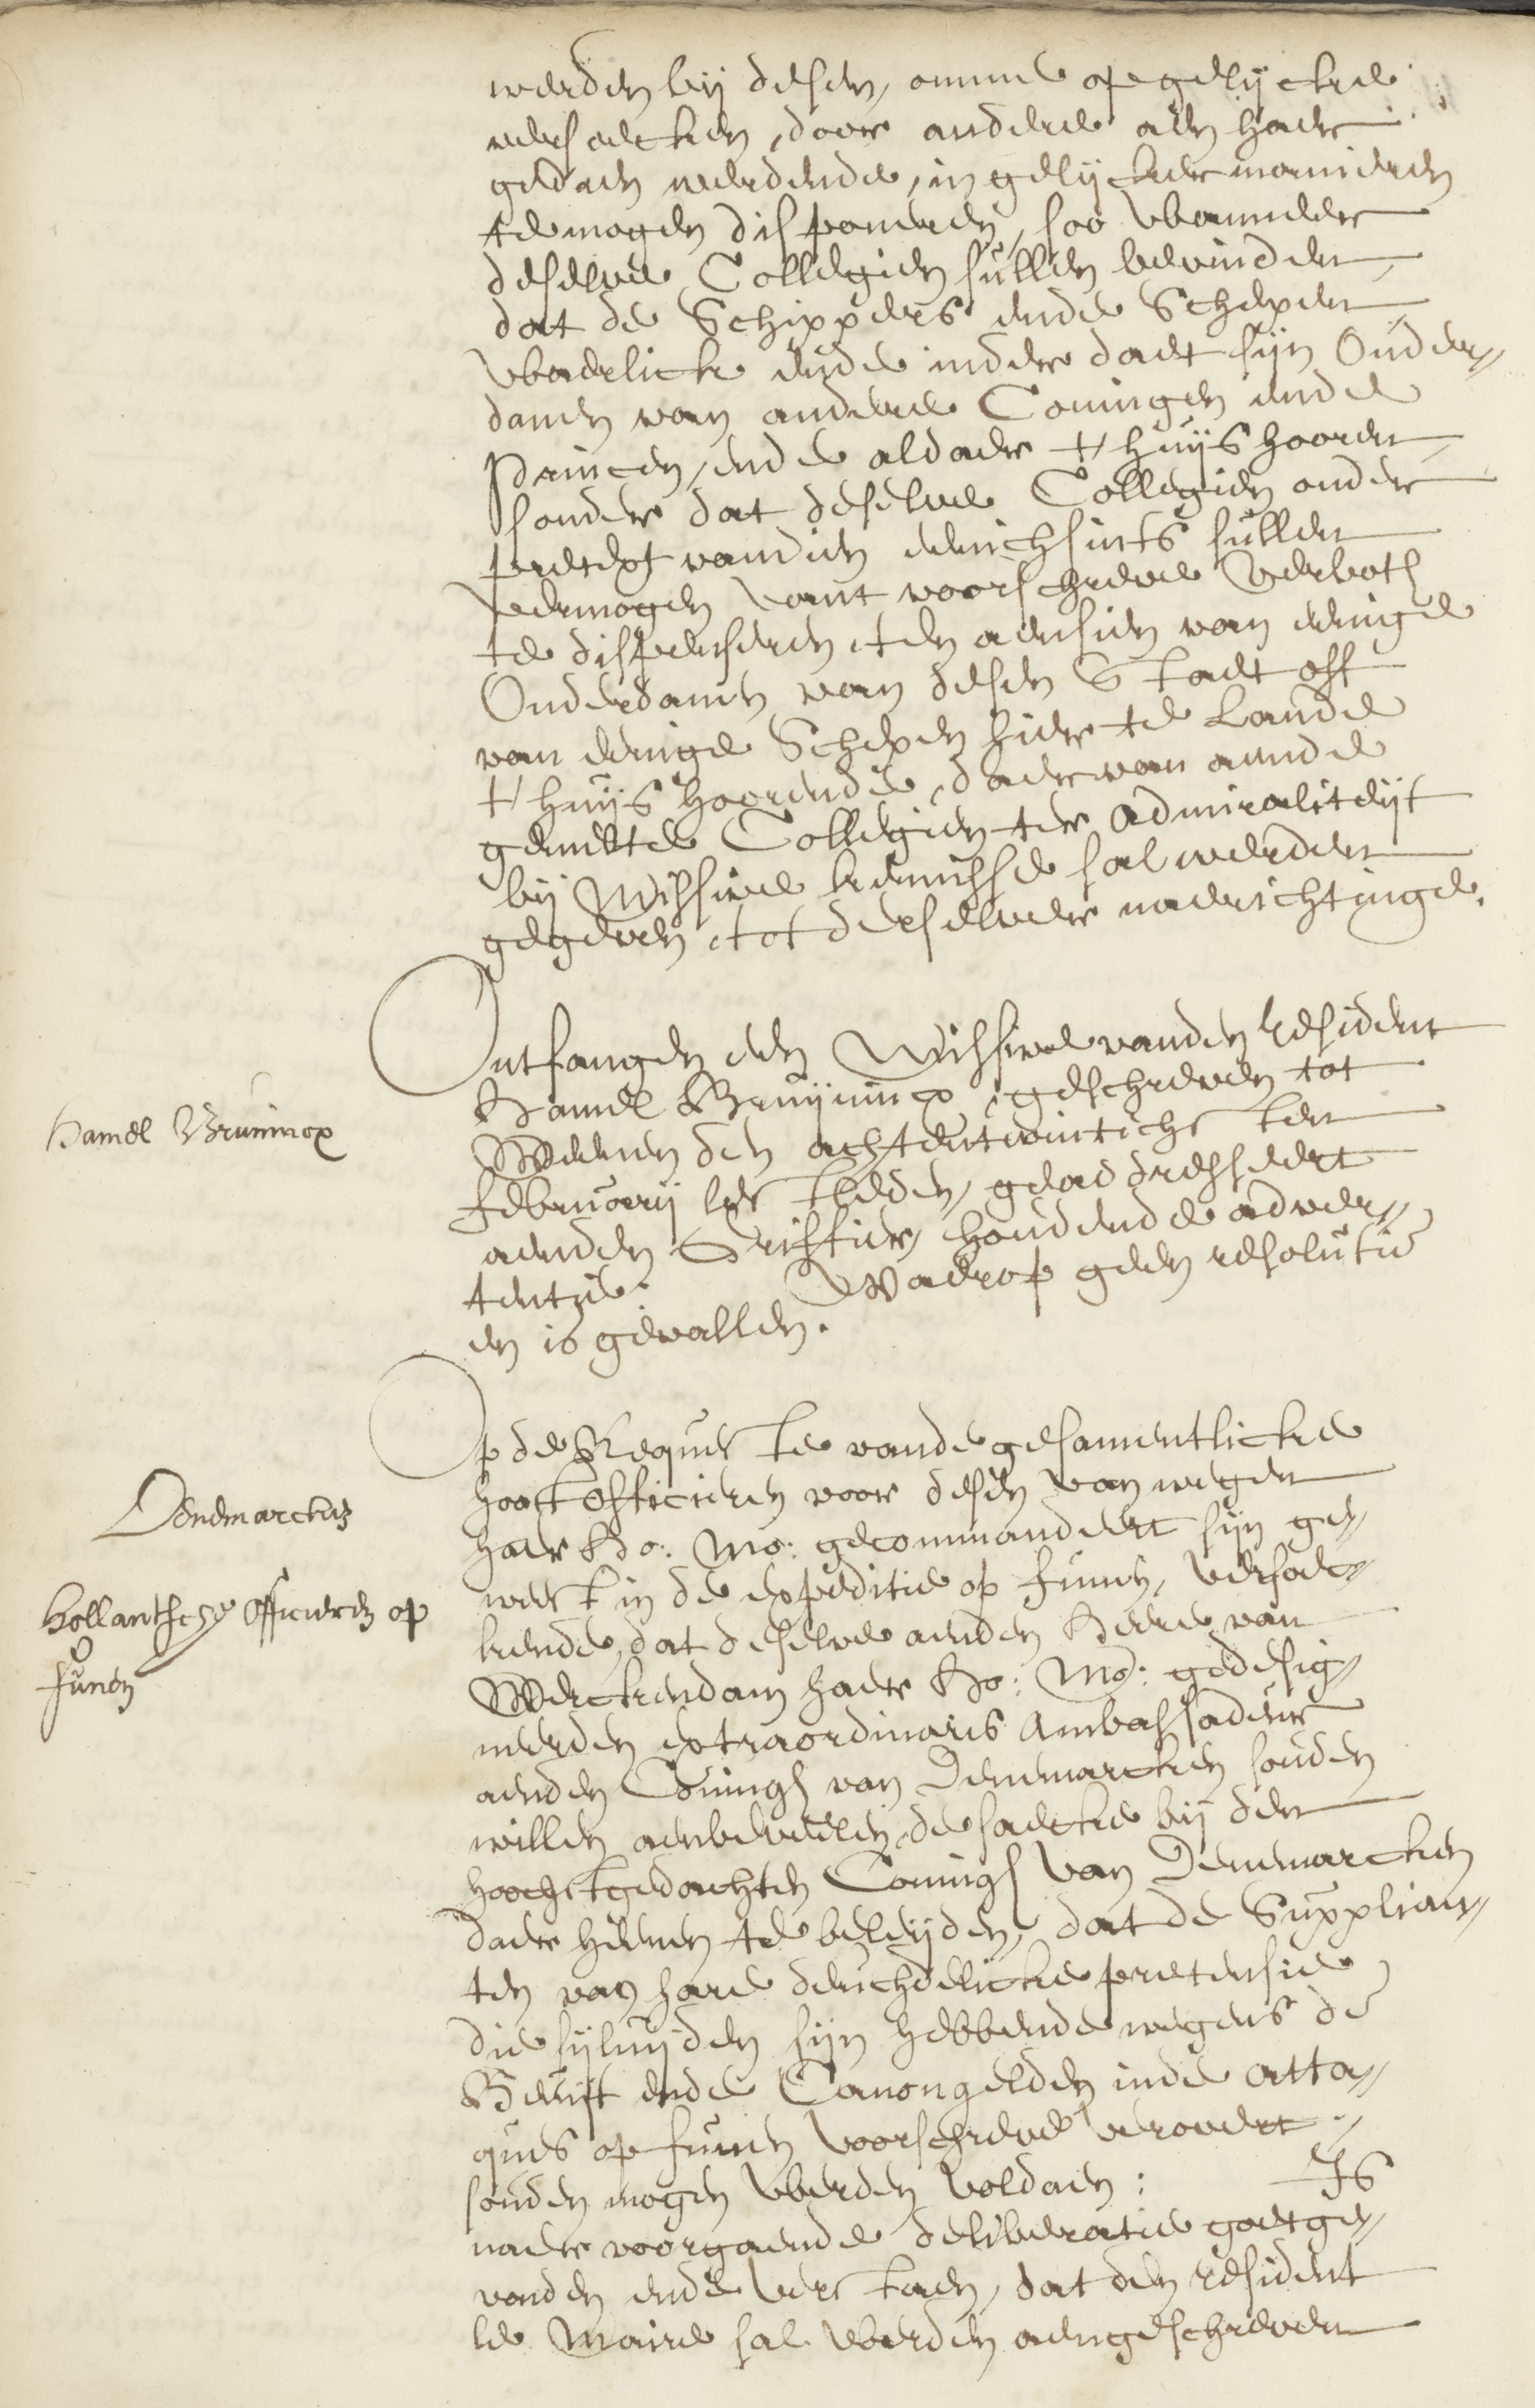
werden bij desen, omme op gelijcke
versoecken, door andere aen haer
gedaen werdende, in gelijcker manieren
te mogen disponeren, soo wanneer
deselve Collegien sullen bevinden,
dat de Schippers ende Schepen
waerlick ende inder daet sijn Onder„
danen van andere Coningen ende
Princen, ende aldaer t‛huijs hooren
sonder dat deselve Collegien onder
pretext vandien eenichsints sullen
vermogen vant voorschreve verboth
te dispenseren, ten aensien van eenige
Onderdanen van desen Staet off
van eenige Schepen hier te Lande
t'huijs hoorende, daervan aende
gemelte Collegien ter Admiraliteijt
bij Missive kennisse sal werden
gegeven, tot derselver naerichtinge.
Hamel Brunincx
Ontfangen een Missive vanden resident
Hamel Bruijnincx, geschreven tot
Weenen den achtentwintichsten
februarij lestheden, geaddresseert
aenden Griffier, houdende adver„
tentie: Waerop geen resolutie
en is gevallen.
Denemarcken
hollantsche officieren op
Funen
Op de Requeste vande gesamentlicke
hooftofficieren voor desen van wegen
haer Ho:Mo: gecommandeert sijn ge,,
weest in de expeditie op Funen, versoec„
kende, dat deselve aenden Heere van
Werckendam haer Ho:Mo: gedesig,,
neerden extraordinaris Ambassadeur
aenden Coningh van Denemarcken souden
willen aenbeveelen, de saecke bij den
hoochstgedachten Coningh van Denemarcken
daer heenen te beleijden, dat de Supplian„
ten van hare deuchdelicke pretensie
die sijluijden sijn hebbende wegens de
Beuijt ende Canongelden inde atta„
ques op Funen voorschreve verovert;
souden mogen werden voldaen: Is
naer voorgaende deliberatie goetge„
vonden ende verstaen, dat den resident
le Maire sal werden aengeschreven
